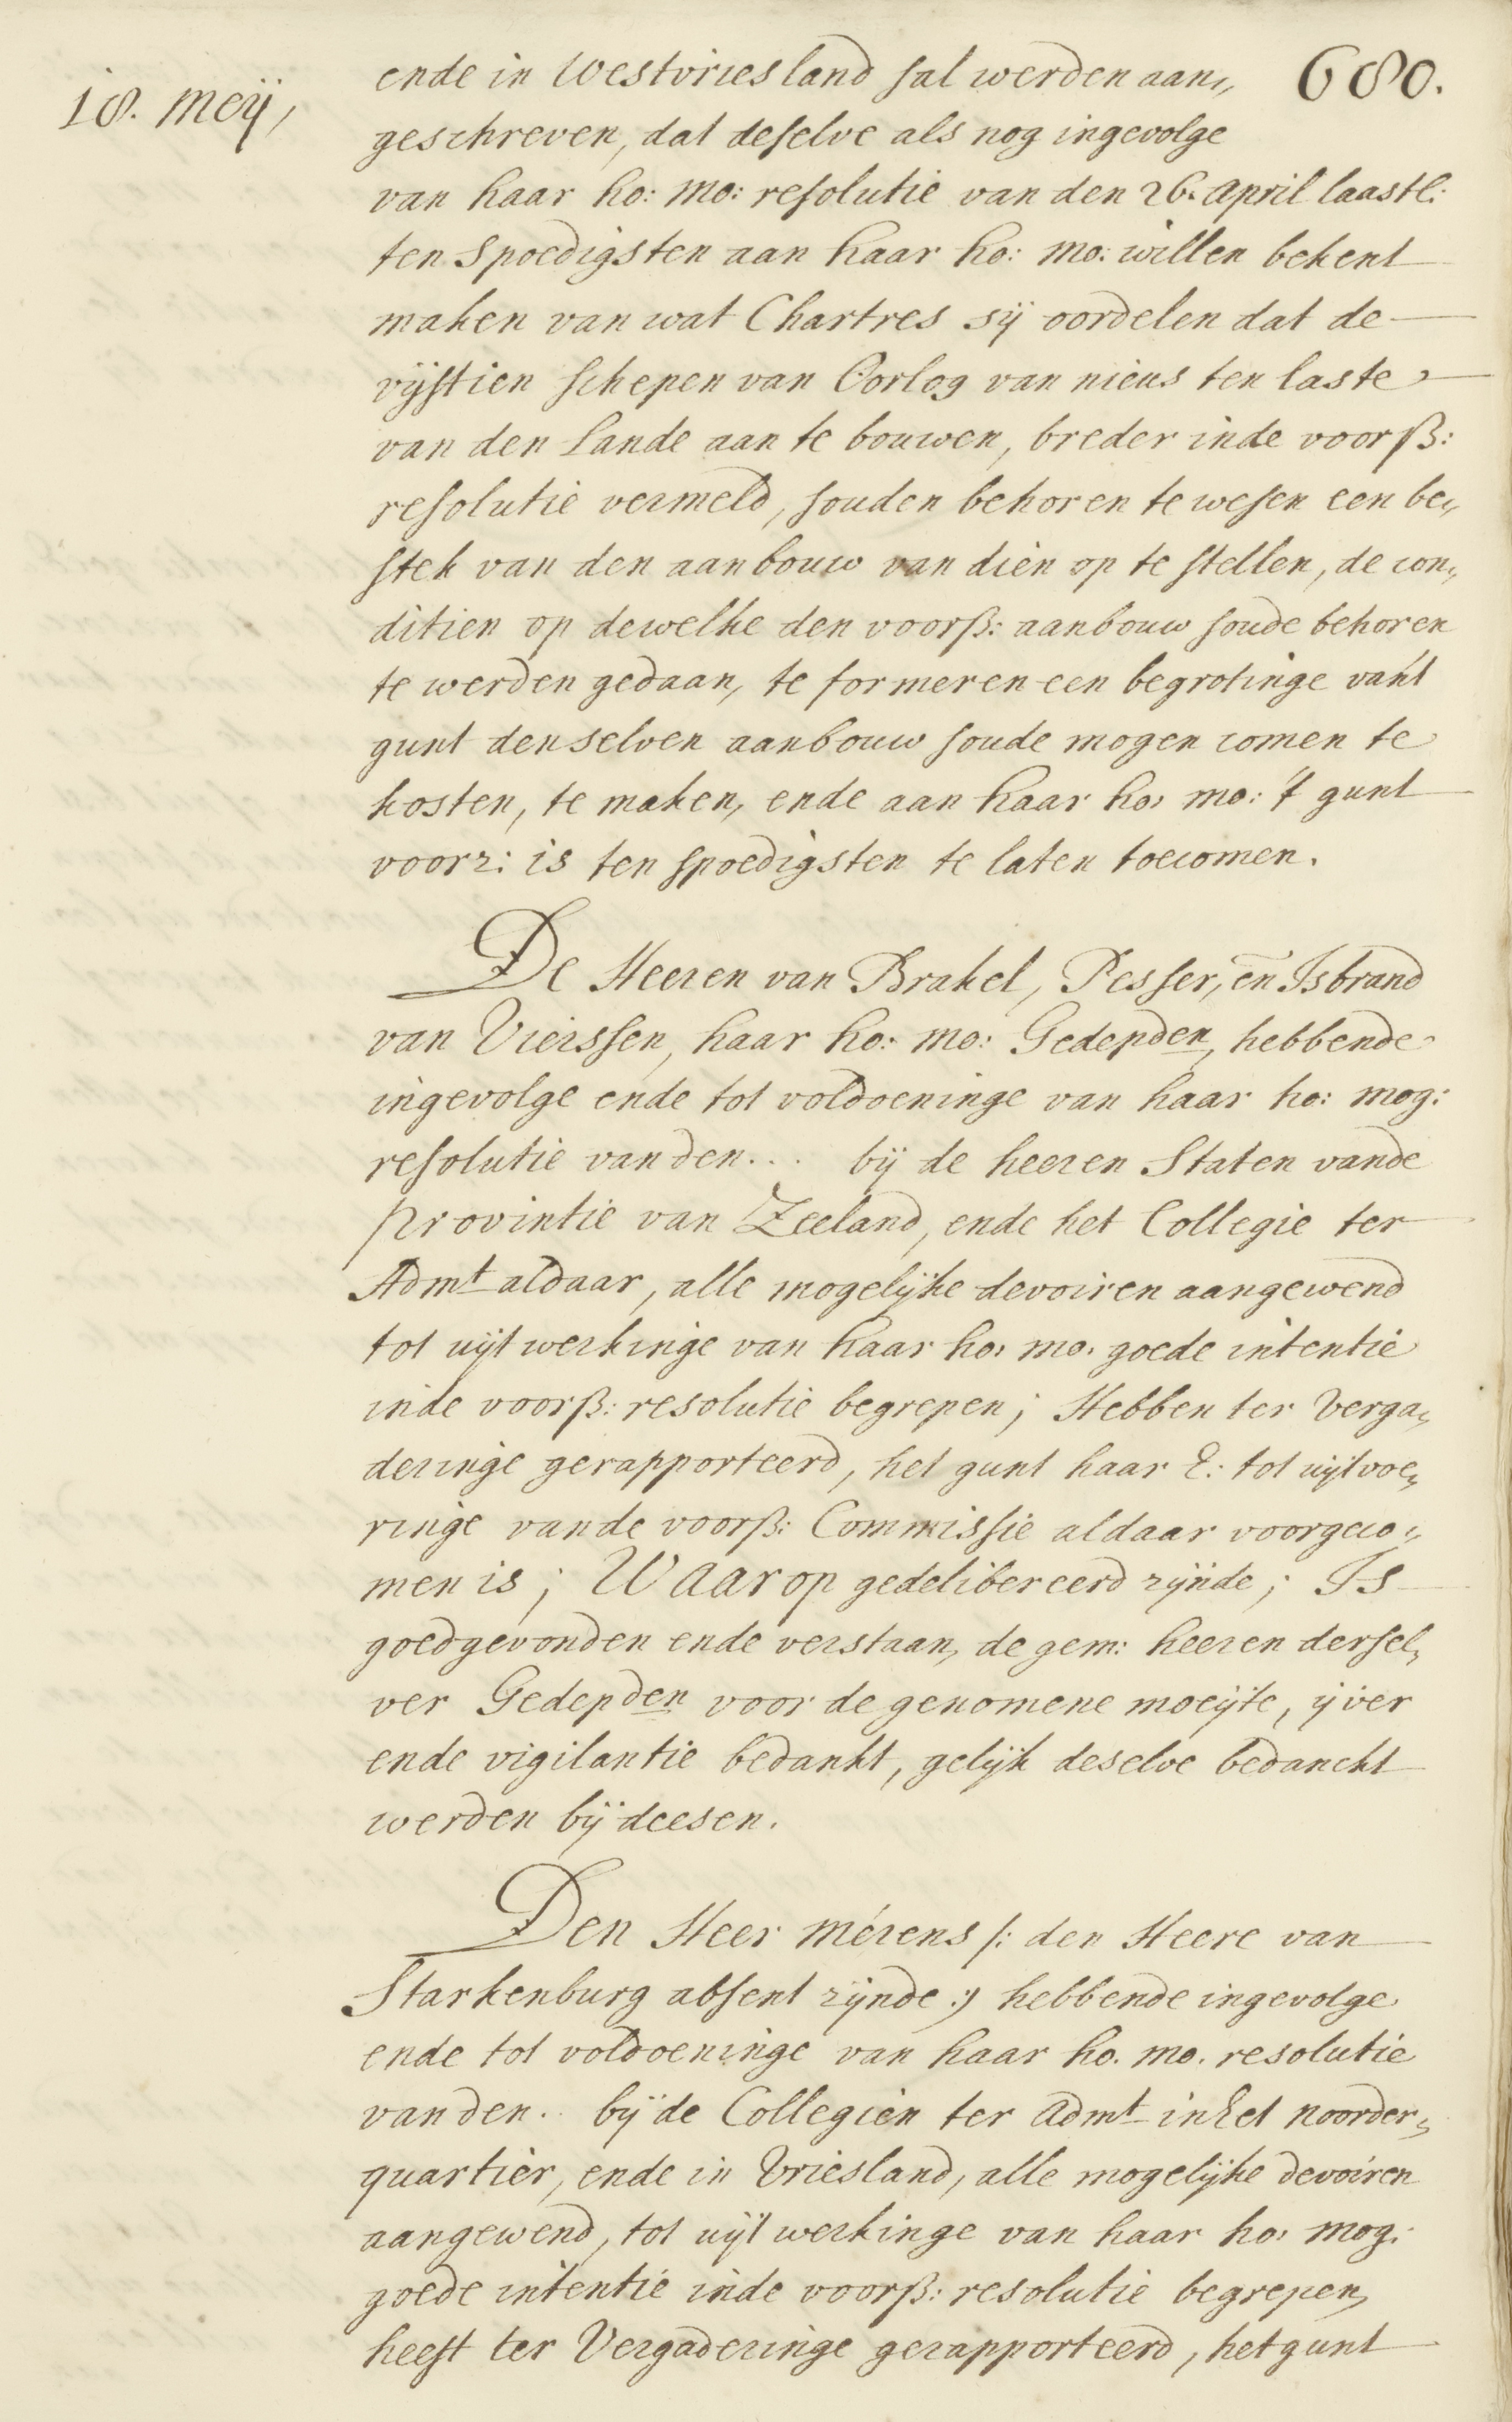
680.
18. Meij.
ende in westvriesland sal werden aan„
geschreven, dat deselve als nog ingevolge
van haar ho:mo: resolutie van den 26. April laastl:
ten spoedigsten aan haar ho:mo: willen bekent
maken van wat Chartres sij oordelen dat de
vijftien schepen van Oorlog van nieus ten laste
van den Lande aan te bouwen, breder inde voors:
resolutie vermeld, souden behoren te wesen een be„
stek van den aanbouw van dien op te stellen, de con„,
ditien op dewelcke den voors: aanbouw soude behoren
te werden gedaan, te formeren een begrotinge van't
gunt denselven aanbouw soude mogen comen te
kosten, te maken, ende aan haar ho:mo: 't gunt
voors: is ten spoedigsten te laten toecomen.
De Heeren van Brakel, Pesser, en Isbrand
van Vierssen, haar ho:mo: Gedepden, hebbende
ingevolge ende tot voldoeninge van haar ho:mog:
resolutie vanden ... bij de heeren Staten vande
provintie van Zeeland, ende het Collegie ter
Admt. aldaar, alle mogelijke devoiren aangewend
tot uijtwerkinge van haar ho:mo: goede intentie
inde voors: resolutie begrepen; Hebben ter verga,,
deringe gerapporteerd, het gunt haar E. tot uijtvoe„
ringe vande voors: Commissie aldaar voorgeco„
men is; Waarop gedelibereerd zijnde; is
goedgevonden ende verstaan, de gem: heeren dersel
ver Gedepden voor de genomene moeijte, ijver
ende vigilantie bedankt, gelijk deselve bedanckt
werden bij deesen.
Den Heer Merens (: den Heere van
Starkenburg absent zijnde :), hebbende ingevolge
ende tot voldoeninge van haar ho:mo: resolutie
vanden .. bij de Collegien ter Admt inhet noorder,,
quartier, ende in Vriesland, alle mogelijke devoiren
aangewend, tot uijt werkinge van haar ho: mog:
goede intentie inde voors: resolutie begrepen
heeft ter vergaderinge gerapporteerd, het gunt
